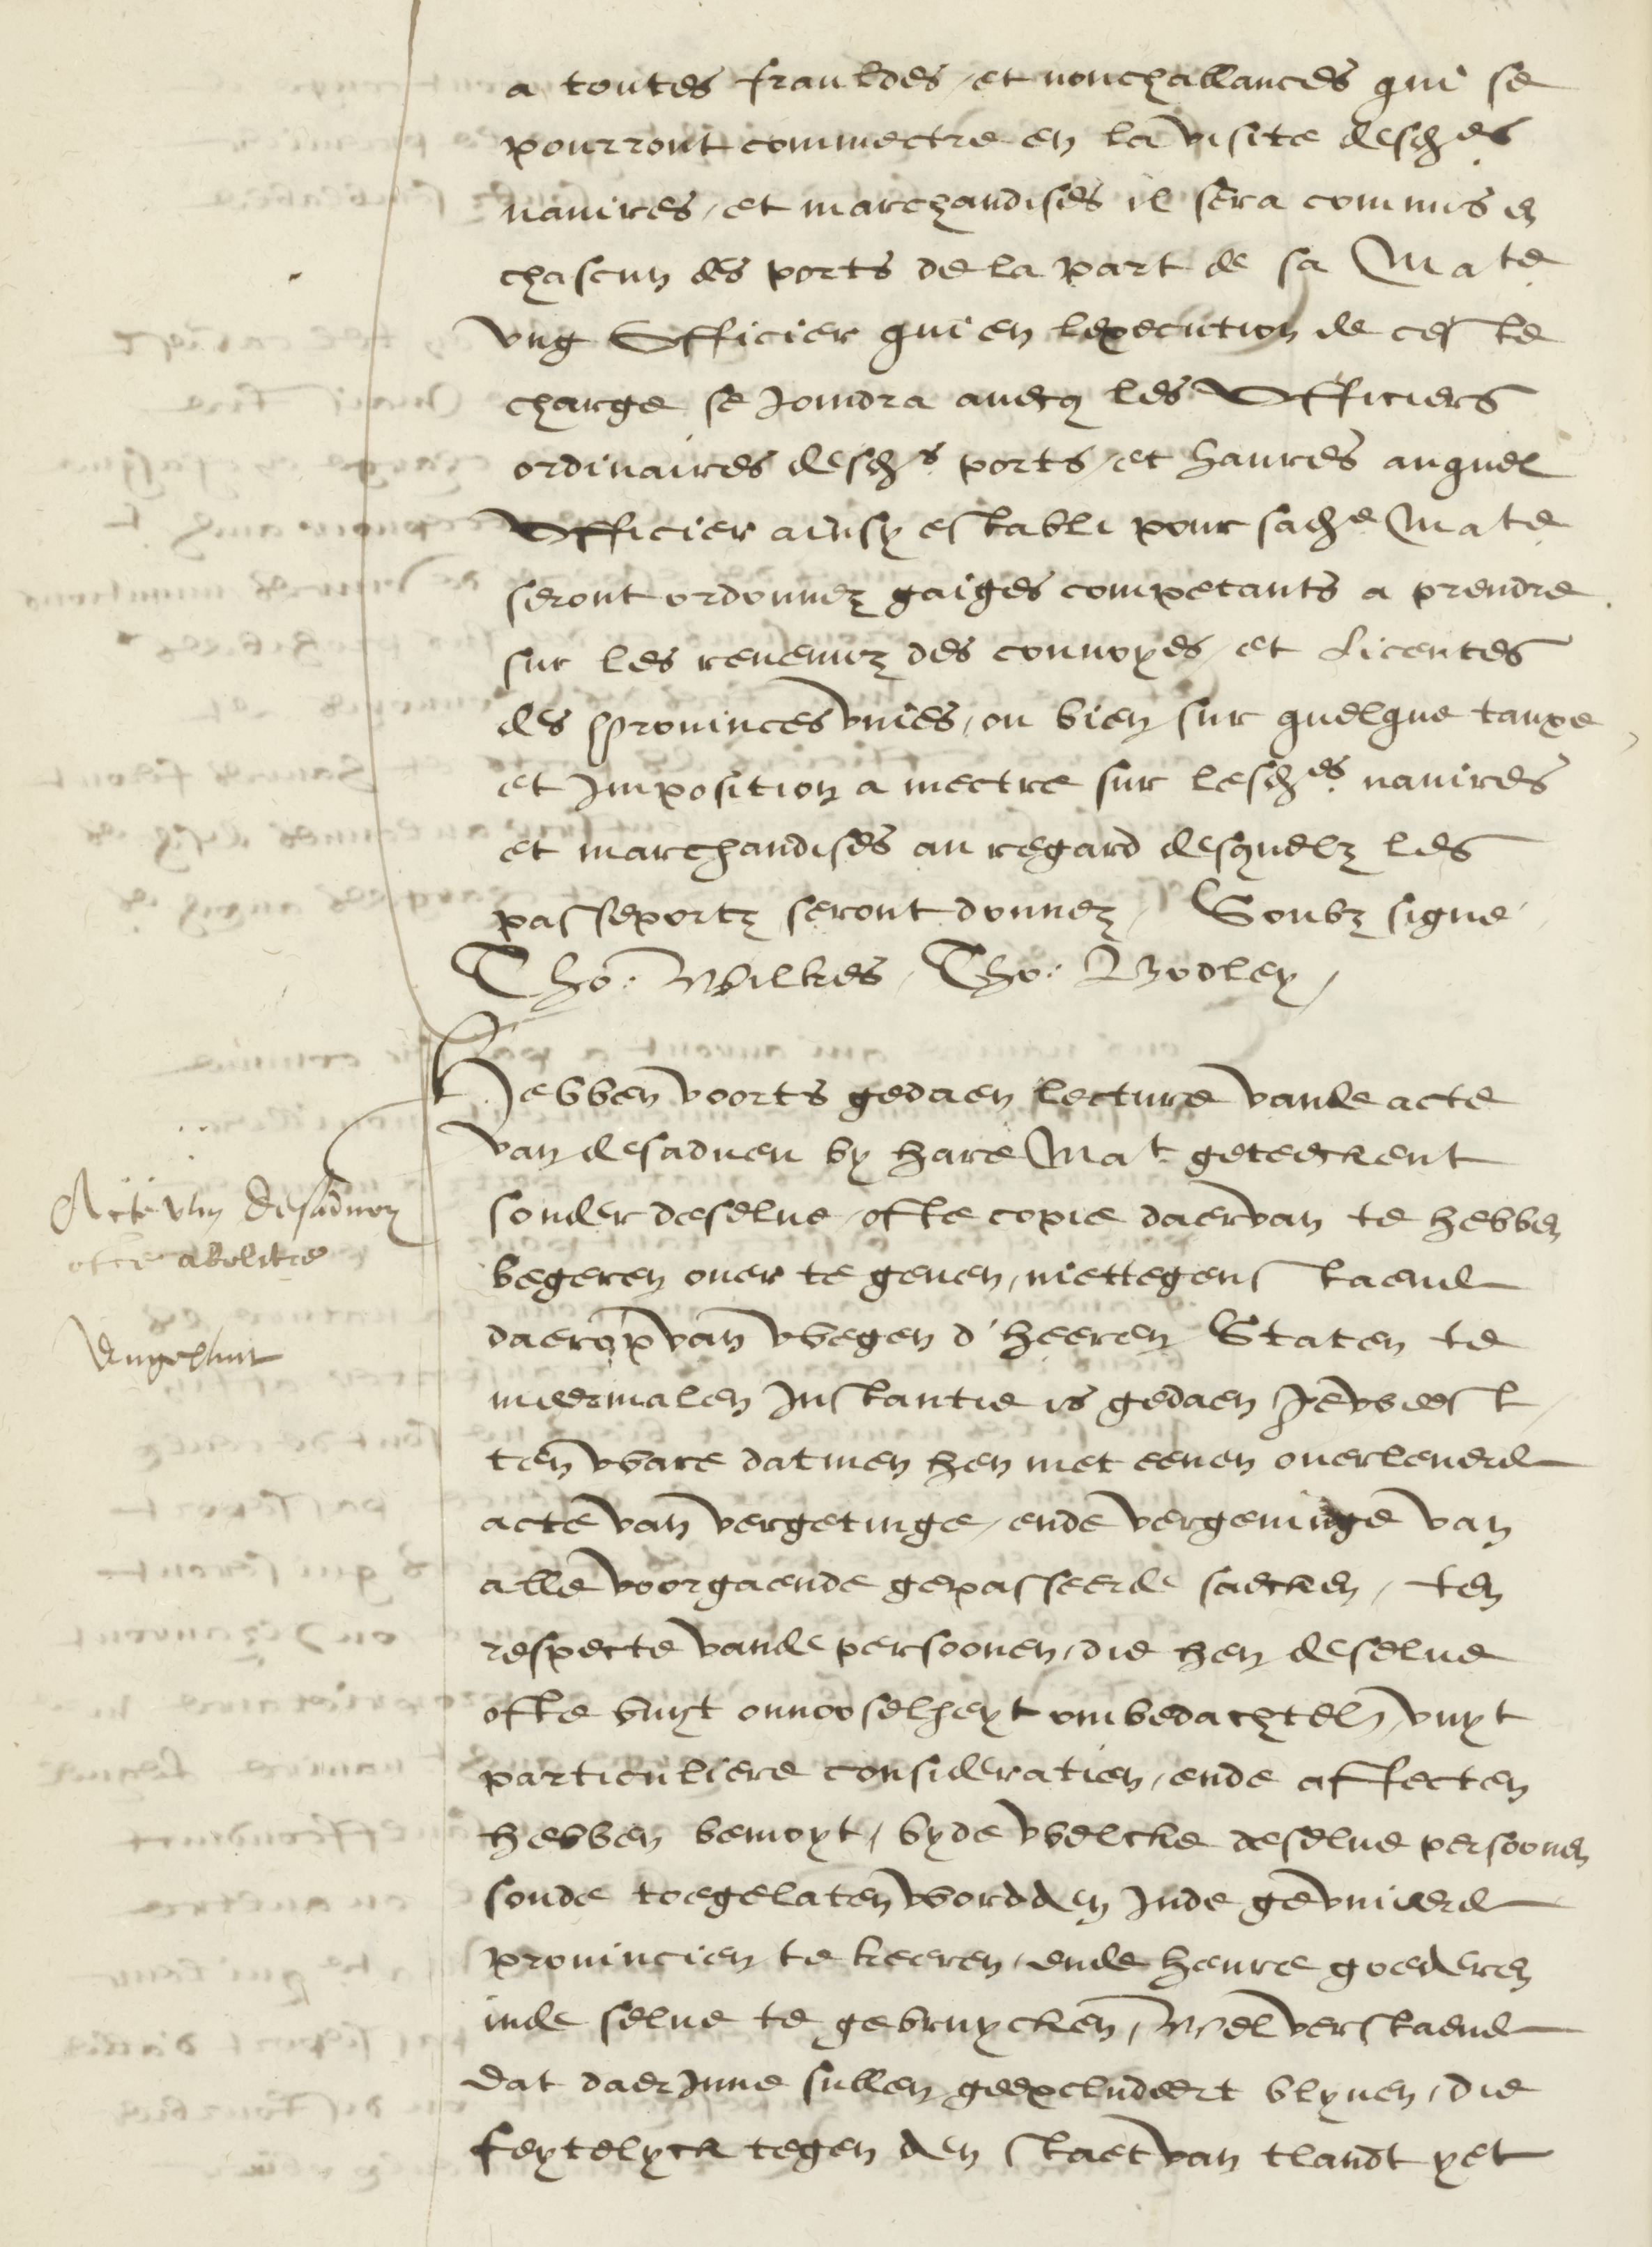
a toutes frauldes, et nonchallances qui se
pourront commectre en la visite desdes
nauires, et marchandises il sera commis en
chascun des ports de la part de sa Mate
vng Officier qui en lexecution de ceste
charge se joindra auecq les Officiers
ordinaires desds ports et haures auquel
Officier ainsy establi pour sade Mate
seront ordonnez gaiges competants a prendre
sur les reuenuz des conuoyes et licentes
des prouinces vnies, ou bien, sur quelque tauxe
et Imposition a mectre sur lesdes nauires
et marchandises au regard desquelz les
passeportz seront donnez, Soubz signe
Tho: Wilkes, Tho: Bodley
Acte van desaduey
ofte abolitie
Engelant
Hebben voorts gedaen lecture vande acte
van desadueu by hare Mat. geteeckent
sonder deselue, ofte copie daervan te hebben
begeren ouer te geuen, niettegenstaende
daerop van wegen d'heeren Staten te
meermalen Instantie is gedaen geweest,
ten ware dat men hen met eenen ouerleuere
acte van vergetinge, ende vergeuinge van
alle voorgaende gepasseerde saecken, ten
respecte vande persoonen, die hen, deselue
ofte vuyt onnooselheyt ombedachtel, vuyt
particuliere consideratien, ende affecten
hebben bemoyt, by de welcke deselue persoonen
soude toegelaten wordden inde gevnieerde
prouincien te keeren, ende heure goederen
inde selue te gebruycken, wel verstaende
dat daerinne sullen geexcludeert blyuen, die
feytelyck tegen den staet van tlandt yet
